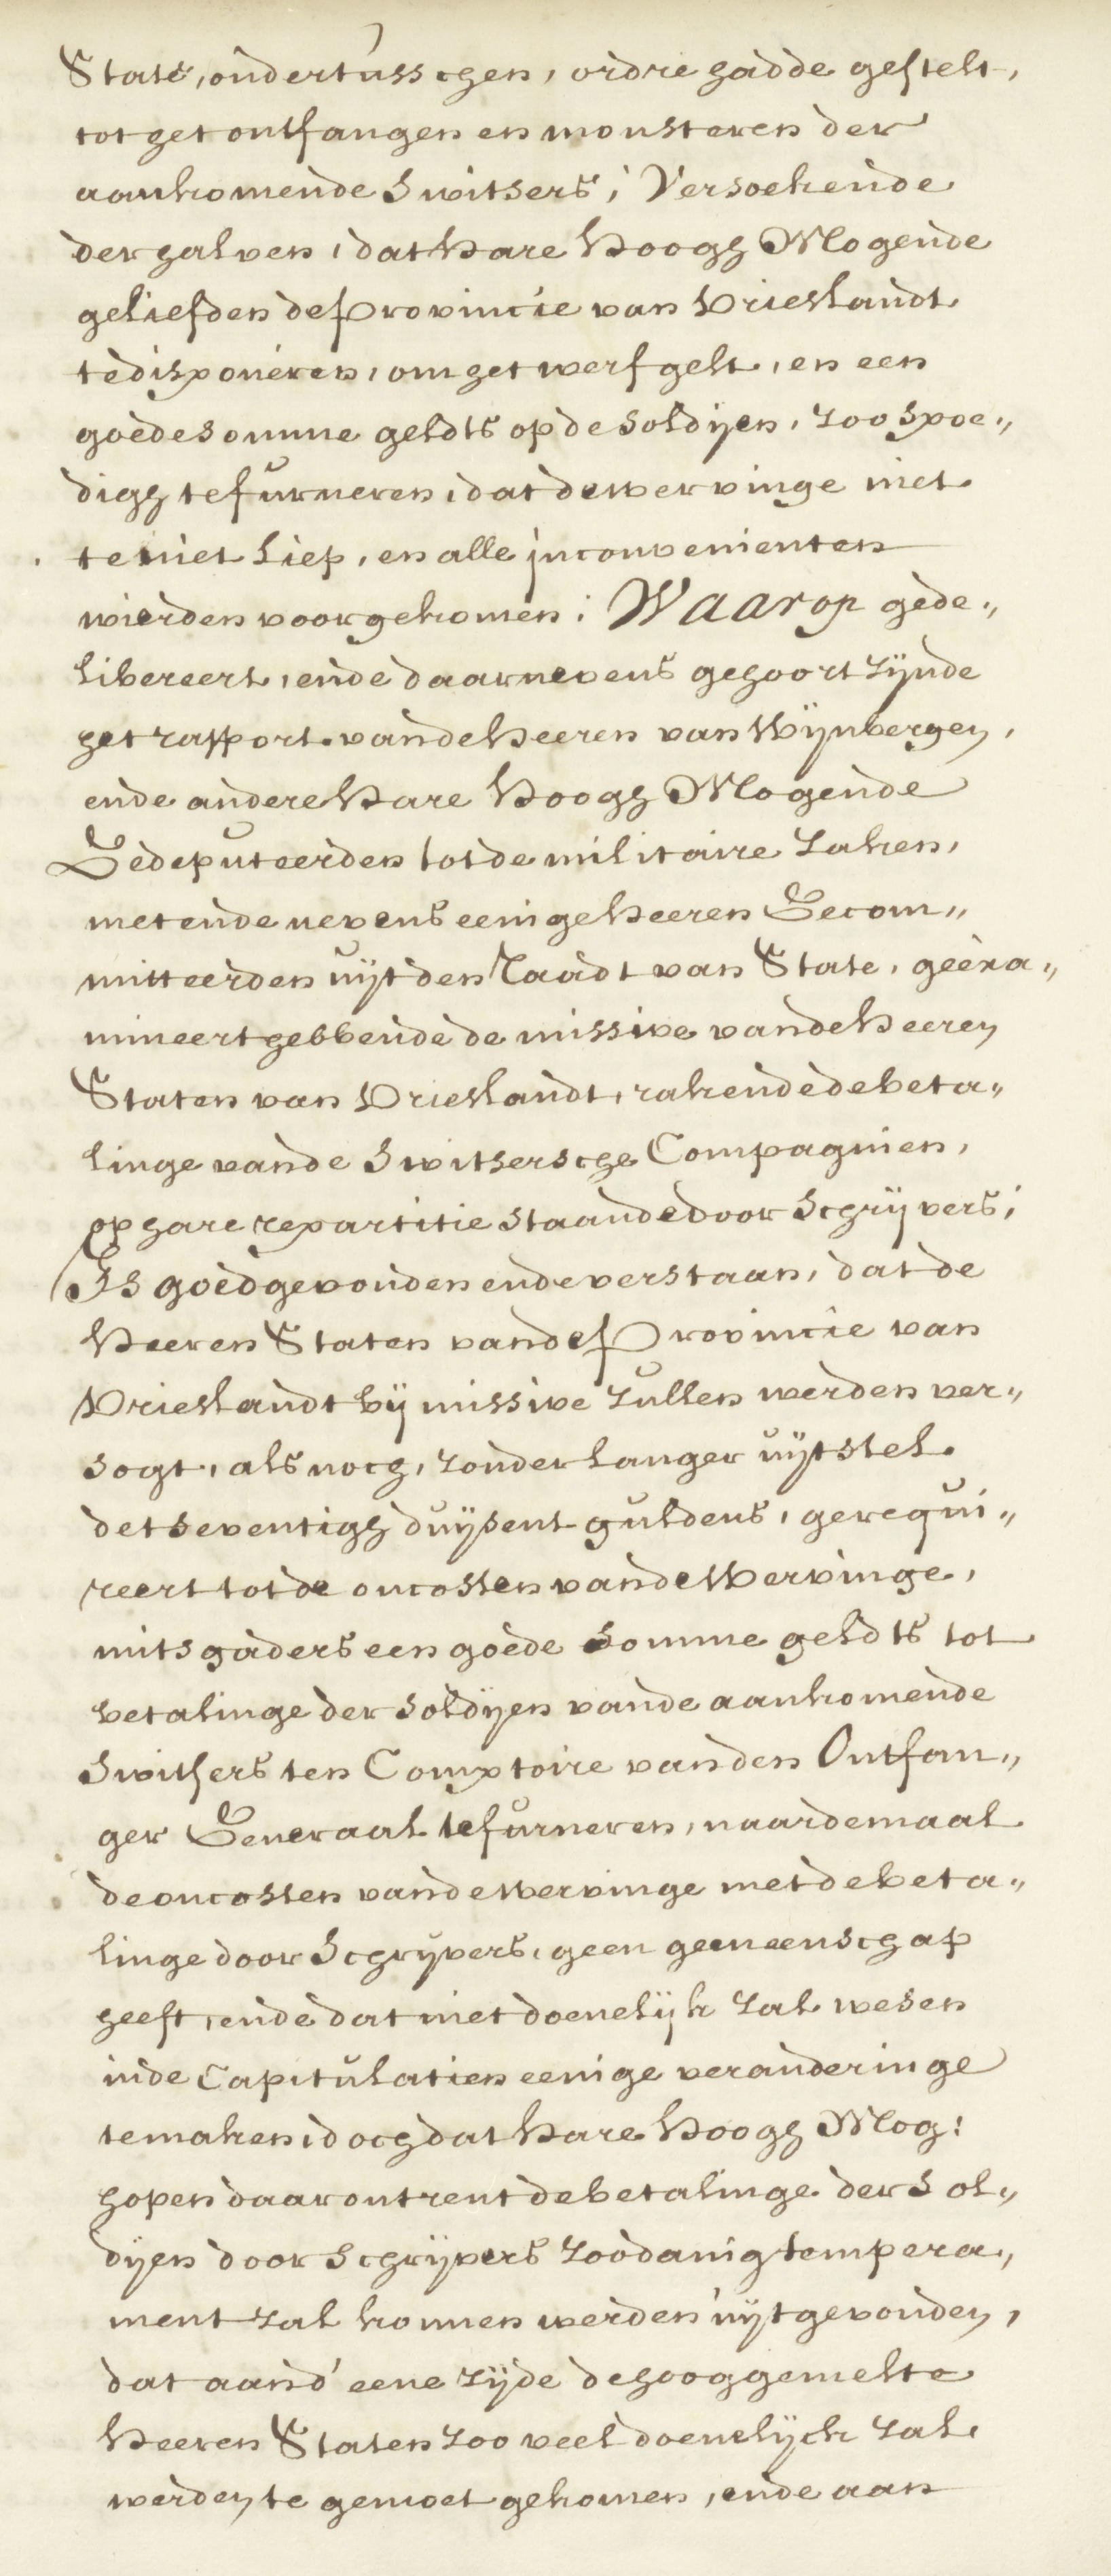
State, ondertusschen, ordre hadde gestelt,
tot het ontfangen en monsteren der
aankomende Switsers; Versoekende
derhalven, dat hare Hoogh Mogende
geliefden de Provincie van Vrieslandt
te disponeren, om het werfgelt, en een
goede somme geldts op de soldijen, zoo spoe„
digh te furneren, dat de wervinge niet
te niet liep, en alle inconvenienten
wierden voorgekomen: Waarop gede„
libereert, ende daarnevens gehoort zijnde
het rapport van de heeren van Wijnbergen,
ende andere hare Hoogh Mogende
Gedeputeerden tot de militaire zaken,
met ende nevens eenige heeren Gecom„
mitteerden uijt den Raadt van State, geexa„
mineert hebbende de missive vande heeren
Staten van Vrieslandt, rakende de beta„
linge vande Switsersche Compagnien,
op hare repartitie staande door schrijvers;
is goedgevonden ende verstaan, dat de
heeren Staten vande Provincie van
Vrieslandt bij missive zullen werden ver„
sogt, als noch zonder langer uijtstel
de tseventigh duijsent guldens, gerequi„
reert tot de oncosten vande wervinge
mitsgaders een goede somme geldts tot
betalinge der soldijen vande aankomende
Switsers ten Comptoire vanden Ontfan„
ger Generaal te furneren, naardemaal
de oncosten vande wervinge met de beta„
linge door Schrijvers, geen gemeenschap
heeft ende dat niet doenelijk zal wesen
inde capitulatien eenige veranderinge
te maken, doch dat hare Hoogh Mog:
hopen daarontrent de betalinge der sol„
dijen door schrijvers zoodanig tempera„
ment zal konnen werden uijtgevonden,
dat aand'eene zijde de hooggemelte
heeren Staten zoo veel doenelijck zal
werden te gemoet gekomen, ende aan
